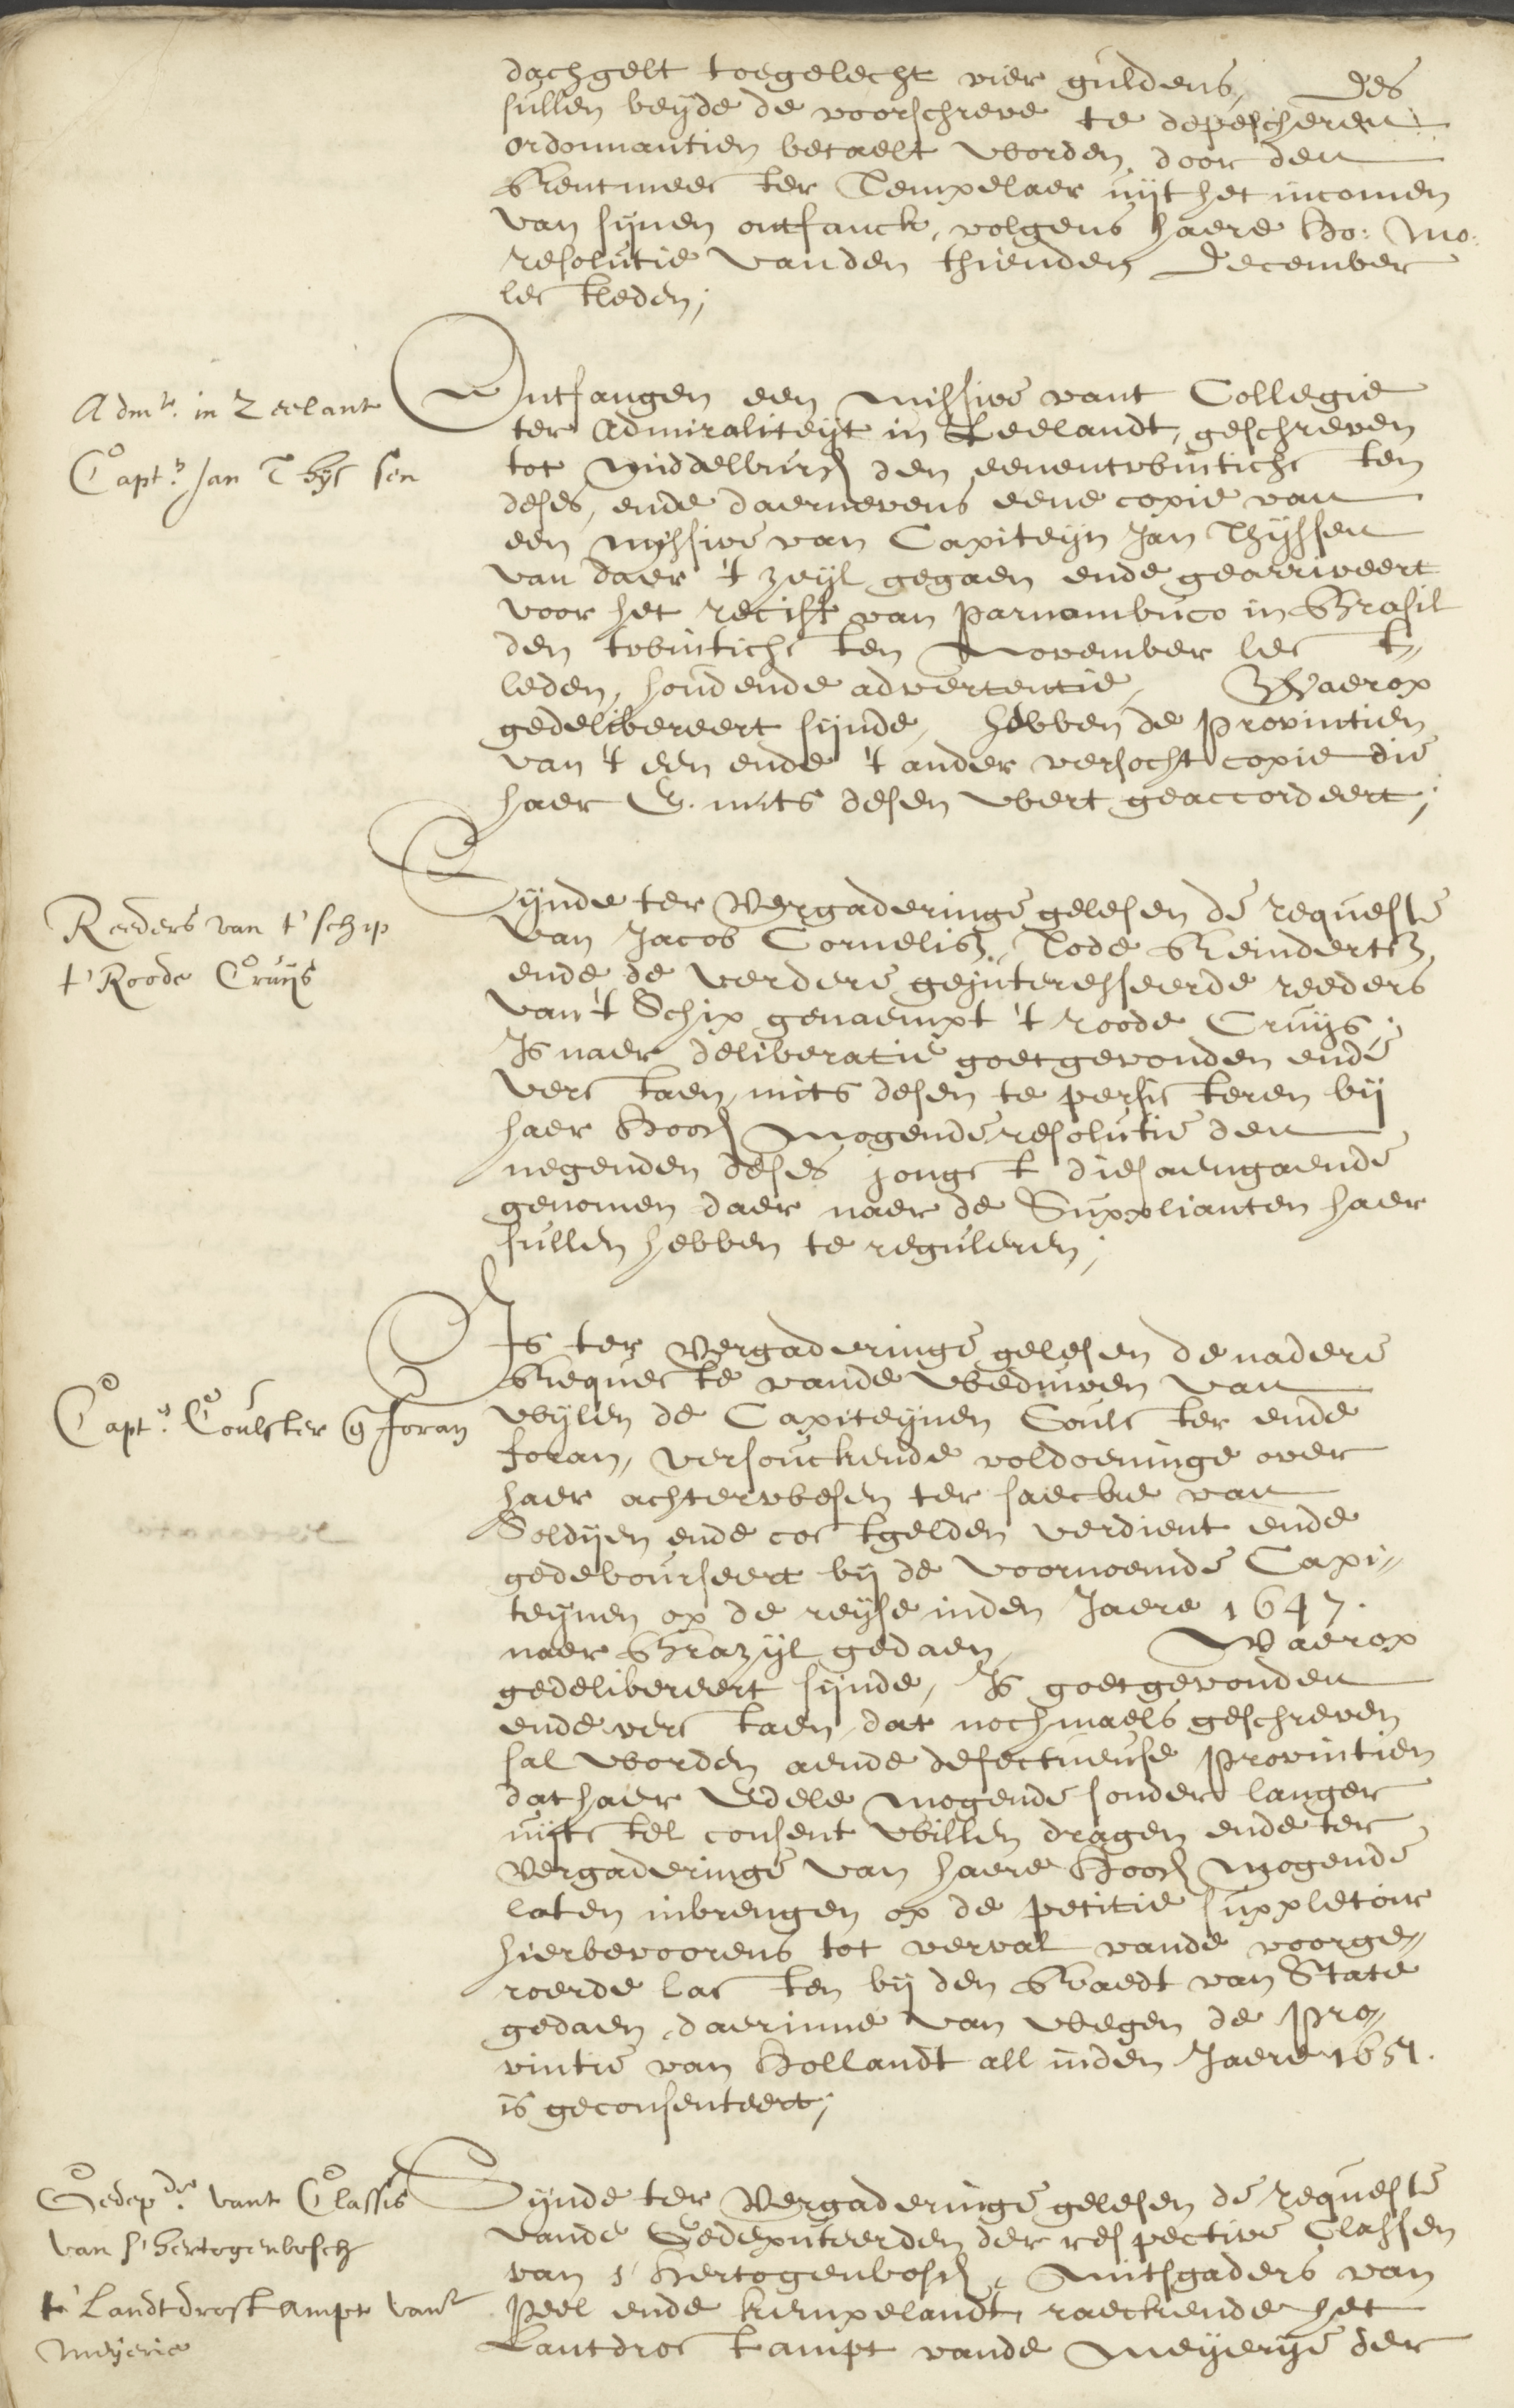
dachgelt toegelecht vier guldens. Des
sullen beijde de voorschreve te depescheren
ordonnantien betaelt worden, door den
Rentmeester Tempelaer uijt het incomen
van sijnen ontfanck, volgens haere Ho:Mo:
resolutie vanden thienden December
lestleden.
Admt. in Zeelant
Captn. Jan Thijssen
Ontfangen een Missive vant Collegie
ter Admiraliteijt in Zeelandt, geschreven
tot Middelburch den eenentwintichsten
deses, ende daernevens eene copie van
een Missive van Capiteijn Jan Thijssen
van daer 't zeijl gegaen ende gearriveert
voor het reciff van Parnambuco in Brasil
den twintichsten November lest„
leden, houdende advertentie. Waerop
gedelibereert sijnde, hebben de Provintien
van ‛t een ende ‛t ander versocht copie die
haer E. mits desen wert geaccordeert;
Reeders van t'schip
t'Roode Cruijs
Sijnde ter Vergaderinge gelesen de requeste
van Jacob Cornelisz., Tode Reindertsz.
ende de verdere geinteresseerde reeders
van 't Schip genaempt 't roode Cruijs;
Is naer deliberatie goetgevonden ende
verstaen, mits desen te persisteren bij
haer Hooch Mogende resolutie den
negenden deses jongst diesaengaende
genomen daer naer de Supplianten haer
sullen hebben te reguleren;
Captn. Coulster ca. Foran
Is ter Vergaderinge gelesen de nadere
Requeste vande weduwen van
wijlen de Capiteijnen Coulster ende
Foran, versouckende voldoeninge over
haer achterwesen ter saecke van
Soldijen ende costgelden verdient ende
gedebourseert bij de voornoemde Capi,,
teijnen op de reijse inden Jaere 1647.
naer Brazijl gedaen. Waerop
gedelibereert sijnde, Is goetgevonden
ende verstaen, dat nochmaels geschreven
sal worden aende defectieuse Provintien
dat haer Edele mogende sondere langer
uijtstel consent willen dragen ende ter
Vergaderinge van haere Hooch Mogende
laten inbrengen op de petitie suppletoir
hierbevoorens tot verval vande voorge„
roerde lasten bij den Raedt van State
gedaen, daerinne van wegen de Pro„
vintie van Hollandt all inden Jaere 1651.
is geconsenteert;
Gedepden. vant Classis
van s'Hertogenbosch
t' Landtdrost Ampt van
Meijerie
Sijnde ter Vergaderinge gelesen de requeste
vande Gedeputeerden der respective Classen
van s'Hertogenbosch Mitsgaders van
Peel ende Kempelandt, raeckende het
Lantdrost ampt vande Meijerije der
